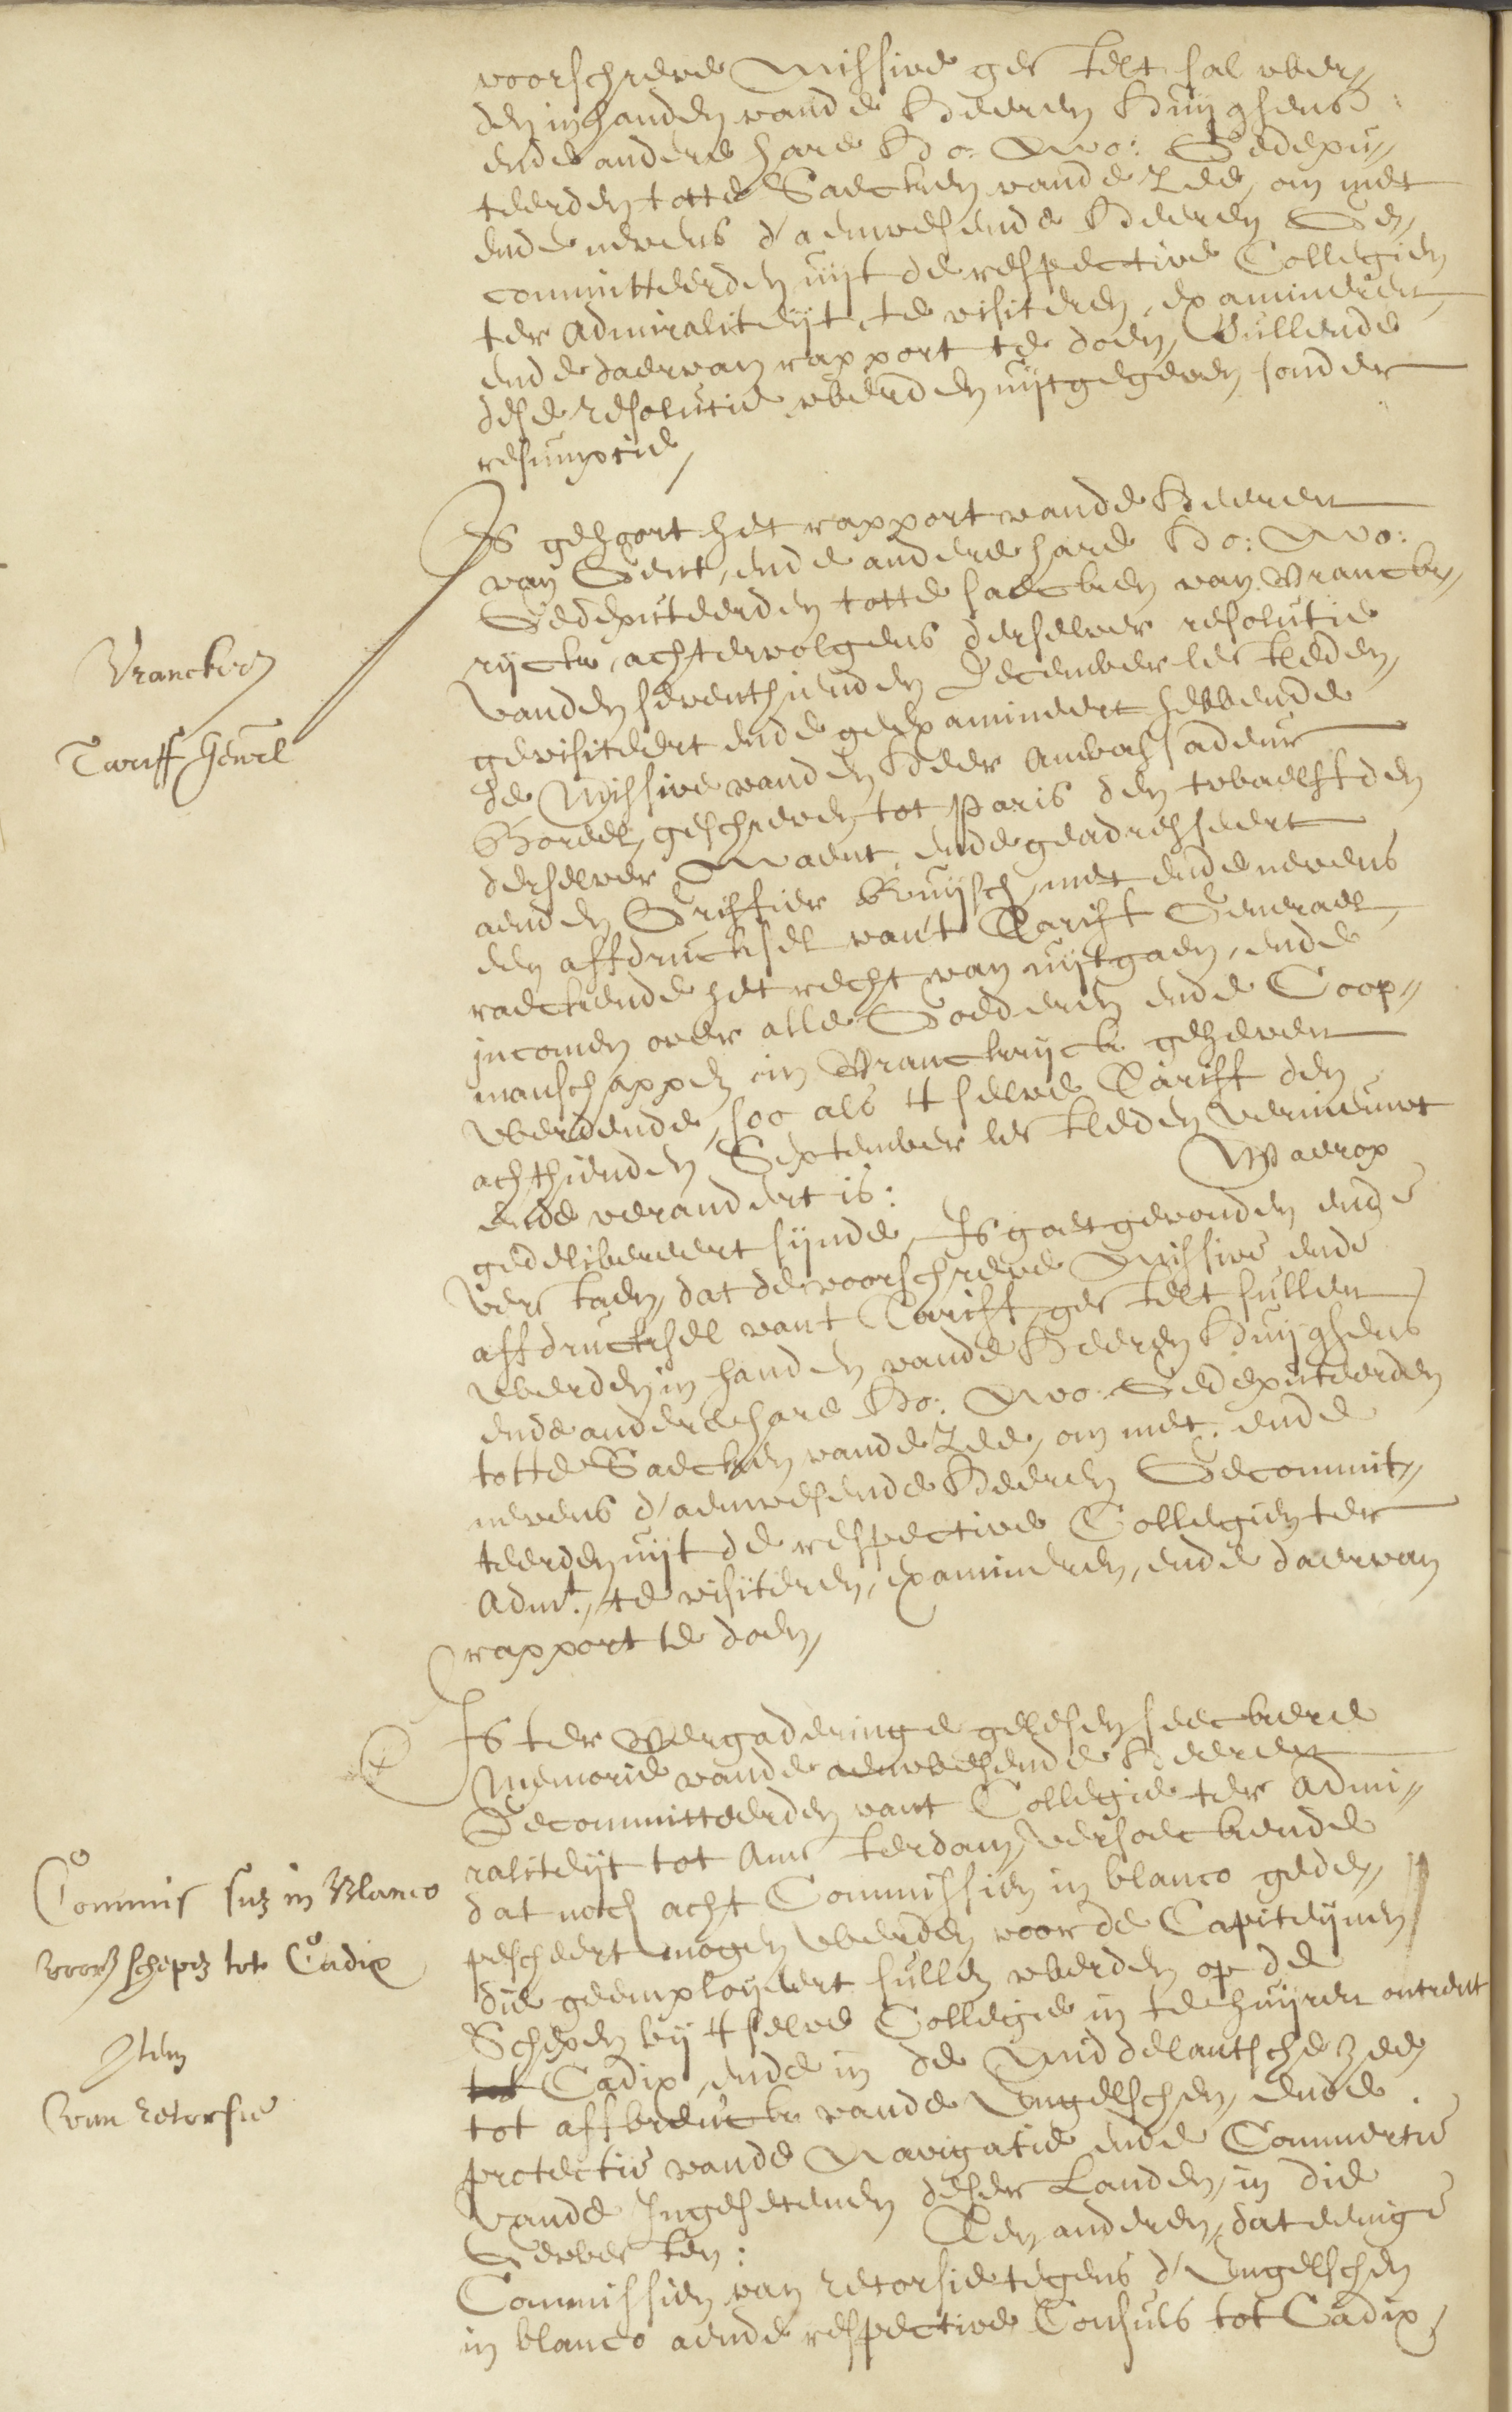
voorschreve Missive gestelt sal wer„
den inhanden vande Heeren Huijghens
ende andere hare Ho:Mo: Gedepu„
teerden totte Saecken vande Zee om met
ende nevens d'aenwesende Heeren Ge„
committeerden uijt de respective Collegien
ter Admiraliteijt te visiteren, examineren,
ende daervan rapport te doen, sullende
dese resolutie werden uijtgegeven, sonder
resumptie.
Vranckr
Tariff Genrl.
Is gehoort het rapport vande Heeren
van Gent, ende andere hare Ho:Mo:
Gedeputeerden totte saecken van Vranck„
rijck, achtervolgens derselver resolutie
vanden seventhienden December lestleden,
gevisiteert ende geexamineert hebbende
de Missive vanden Heer Ambassadeur
Boreel, geschreven tot Paris den twaelffden
derselver Maent ende geadresseert
aenden Griffier Ruijsch, met ende nevens
een affdrucksel vant' Tariff Generael,
raeckende het recht van uijtgaen, ende
incomen over alle Goederen ende Coop„
manschappen in Vranckrijck geheven
werdende, soo als 't selve Tariff den
achthienden September lestleden vernieuwt
ende verandert is. Waerop
gedelibereert sijnde, Is goetgevonden ende
verstaen, dat de voorschreve Missive ende
affdrucksel vant Tariff gestelt sullen
werden in handen vande Heeren Huijghens
ende andere hare Ho:Mo: Gedeputeerden
totte Saecken vande Zee, om met, ende
nevens d'aenwesende Heeren Gecommit„
teerden uijt de respective Collegien ter
Admt. te visiteren, examineren, ende daervan
rapport te doen.
Commissien in Blanco
voor schepen tot Cadix
Item
van retorsie
Is ter Vergaderinge gelesen seeckere
Memorie vande aenwesende Heeren
Gecommitteerden vant Collegie ter Admi„
raliteijt tot Amsterdam, versoeckende
dat noch acht Commissien in blanco gede„
pescheert mogen werden voor de Capiteijnen
die geemploijeert sullen werden op de
Schepen bij 't selve Collegie in te huijren ontrent
tot Cadix, ende in de Middelantsche Zee,
tot affbreuck vande Engelschen, Ende
protectie vande Navigatie ende Commertie
vande Ingesetenen deser Landen, in die
Gewesten. Ten anderen, dat eenige
Commissien van retorsie tegens d'Engelschen
in blanco aende respective Consuls tot Cadix
